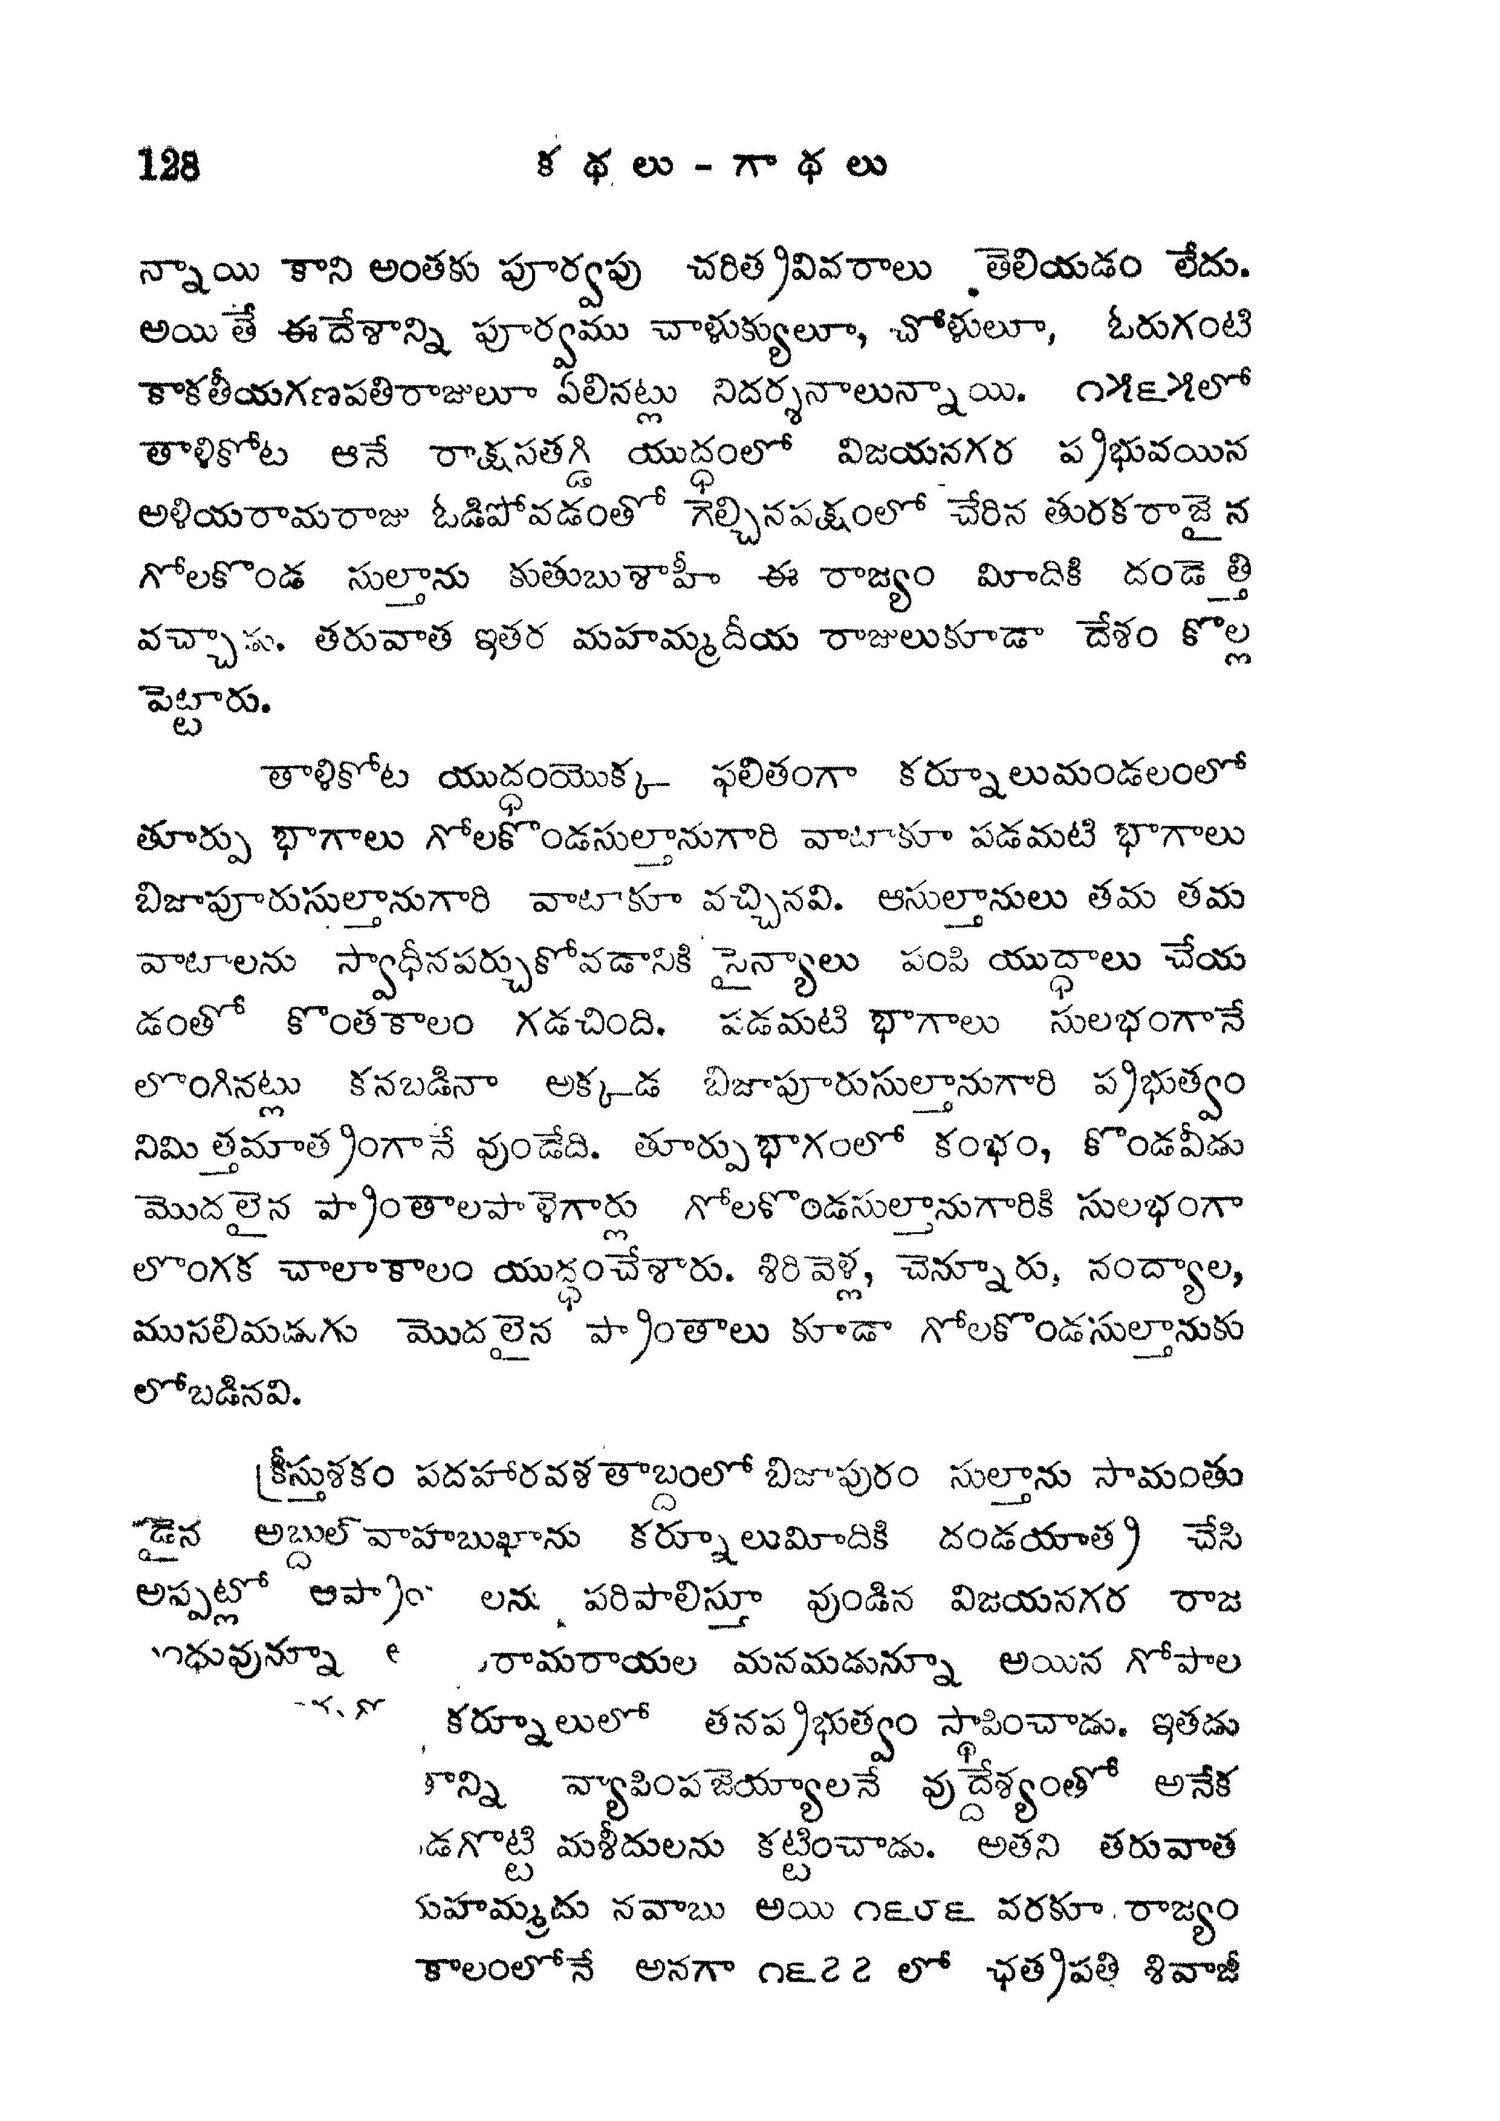న్నాయి కాని అంతకు పూర్వపు చరిత్రవివరాలు తెలియడం లేదు. అయితే ఈ దేశాన్ని పూర్వము చాళుక్యులూ, చోళులూ, ఓరుగంటి కాకతీయగణపతిరాజులూ ఏలినట్లు నిదర్శనాలున్నాయి. 1565 లో తాళికోట అనే రాక్షసతగ్డి యుద్ధంలో విజయనగర ప్రభువయిన అళియరామరాజు ఓడిపోవడంతో గెల్చినపక్షంలో చేరిన తురకరాజైన గోలకొండ సుల్తాను కుతుబుశాహీ ఈ రాజ్యం మీదికి దండెత్తి వచ్చారు. తరువాత ఇతర మహమ్మదీయ రాజులుకూడా దేశం కొల్లపెట్టారు.

తాళికోట యుద్ధంయొక్క ఫలితంగా కర్నూలుమండలంలో తూర్పు భాగాలు గోలకొండసుల్తానుగారి వాటాకూ పడమటి భాగాలు బిజాపూరుసుల్తానుగారి వాటాకూ వచ్చినవి. ఆసుల్తానులు తమ తమ వాటాలను స్వాధీనపర్చుకోవడానికి సైన్యాలు పంపి యుద్ధాలు చేయడంతో కొంతకాలం గడచింది. పడమటి భాగాలు సులభంగానే లొంగినట్లు కనబడినా అక్కడ బిజాపూరుసుల్తానుగారి ప్రభుత్వం నిమిత్తమాత్రంగానే వుండేది. తూర్పుభాగంలో కంభం, కొండవీడు మొదలైన ప్రాంతాలపాళెగార్లు గొలకొండసుల్తానుగారికి సులభంగా లొంగక చాలాకాలం యుద్ధంచేశారు. శిరివెళ్ల, చెన్నూరు, నంద్యాల, ముసలిమడుగు మొదలైన ప్రాంతాలు కూడా గోలకోండసుల్తానుకు లోబడినవి.

క్రీస్తుశకం పదహారవశతాబ్ధంలో బిజాపురం సుల్తాను సామంతుడైన అబ్దుల్ వాహబుఖాను కర్నూలుమీదికి దండయాత్ర చేసి అప్పట్లో ఆప్రాంతాలను పరిపాలిస్తూ వుండిన విజయనగర రాజ బంధువున్నూ రామరాయల మనుమడున్నూ అయిన గోపాల
................... కర్నూలులొ తనప్రభుత్వం స్థాపించాడు. ఇతడు 
................కొన్ని వ్యాపింపజెయ్యాలనే వుద్దేశ్యంతో అనేక ఆలయాలను పడగొట్టి 
మశీదులను కట్టించాడు. అతని తరువాత 
........................ మహమ్మదు నవాబు అయి1686 వరకూ రాజ్యం
.................................కాలంలోనే అనాగా 1677 లో ఛత్రపతి శివాజీ